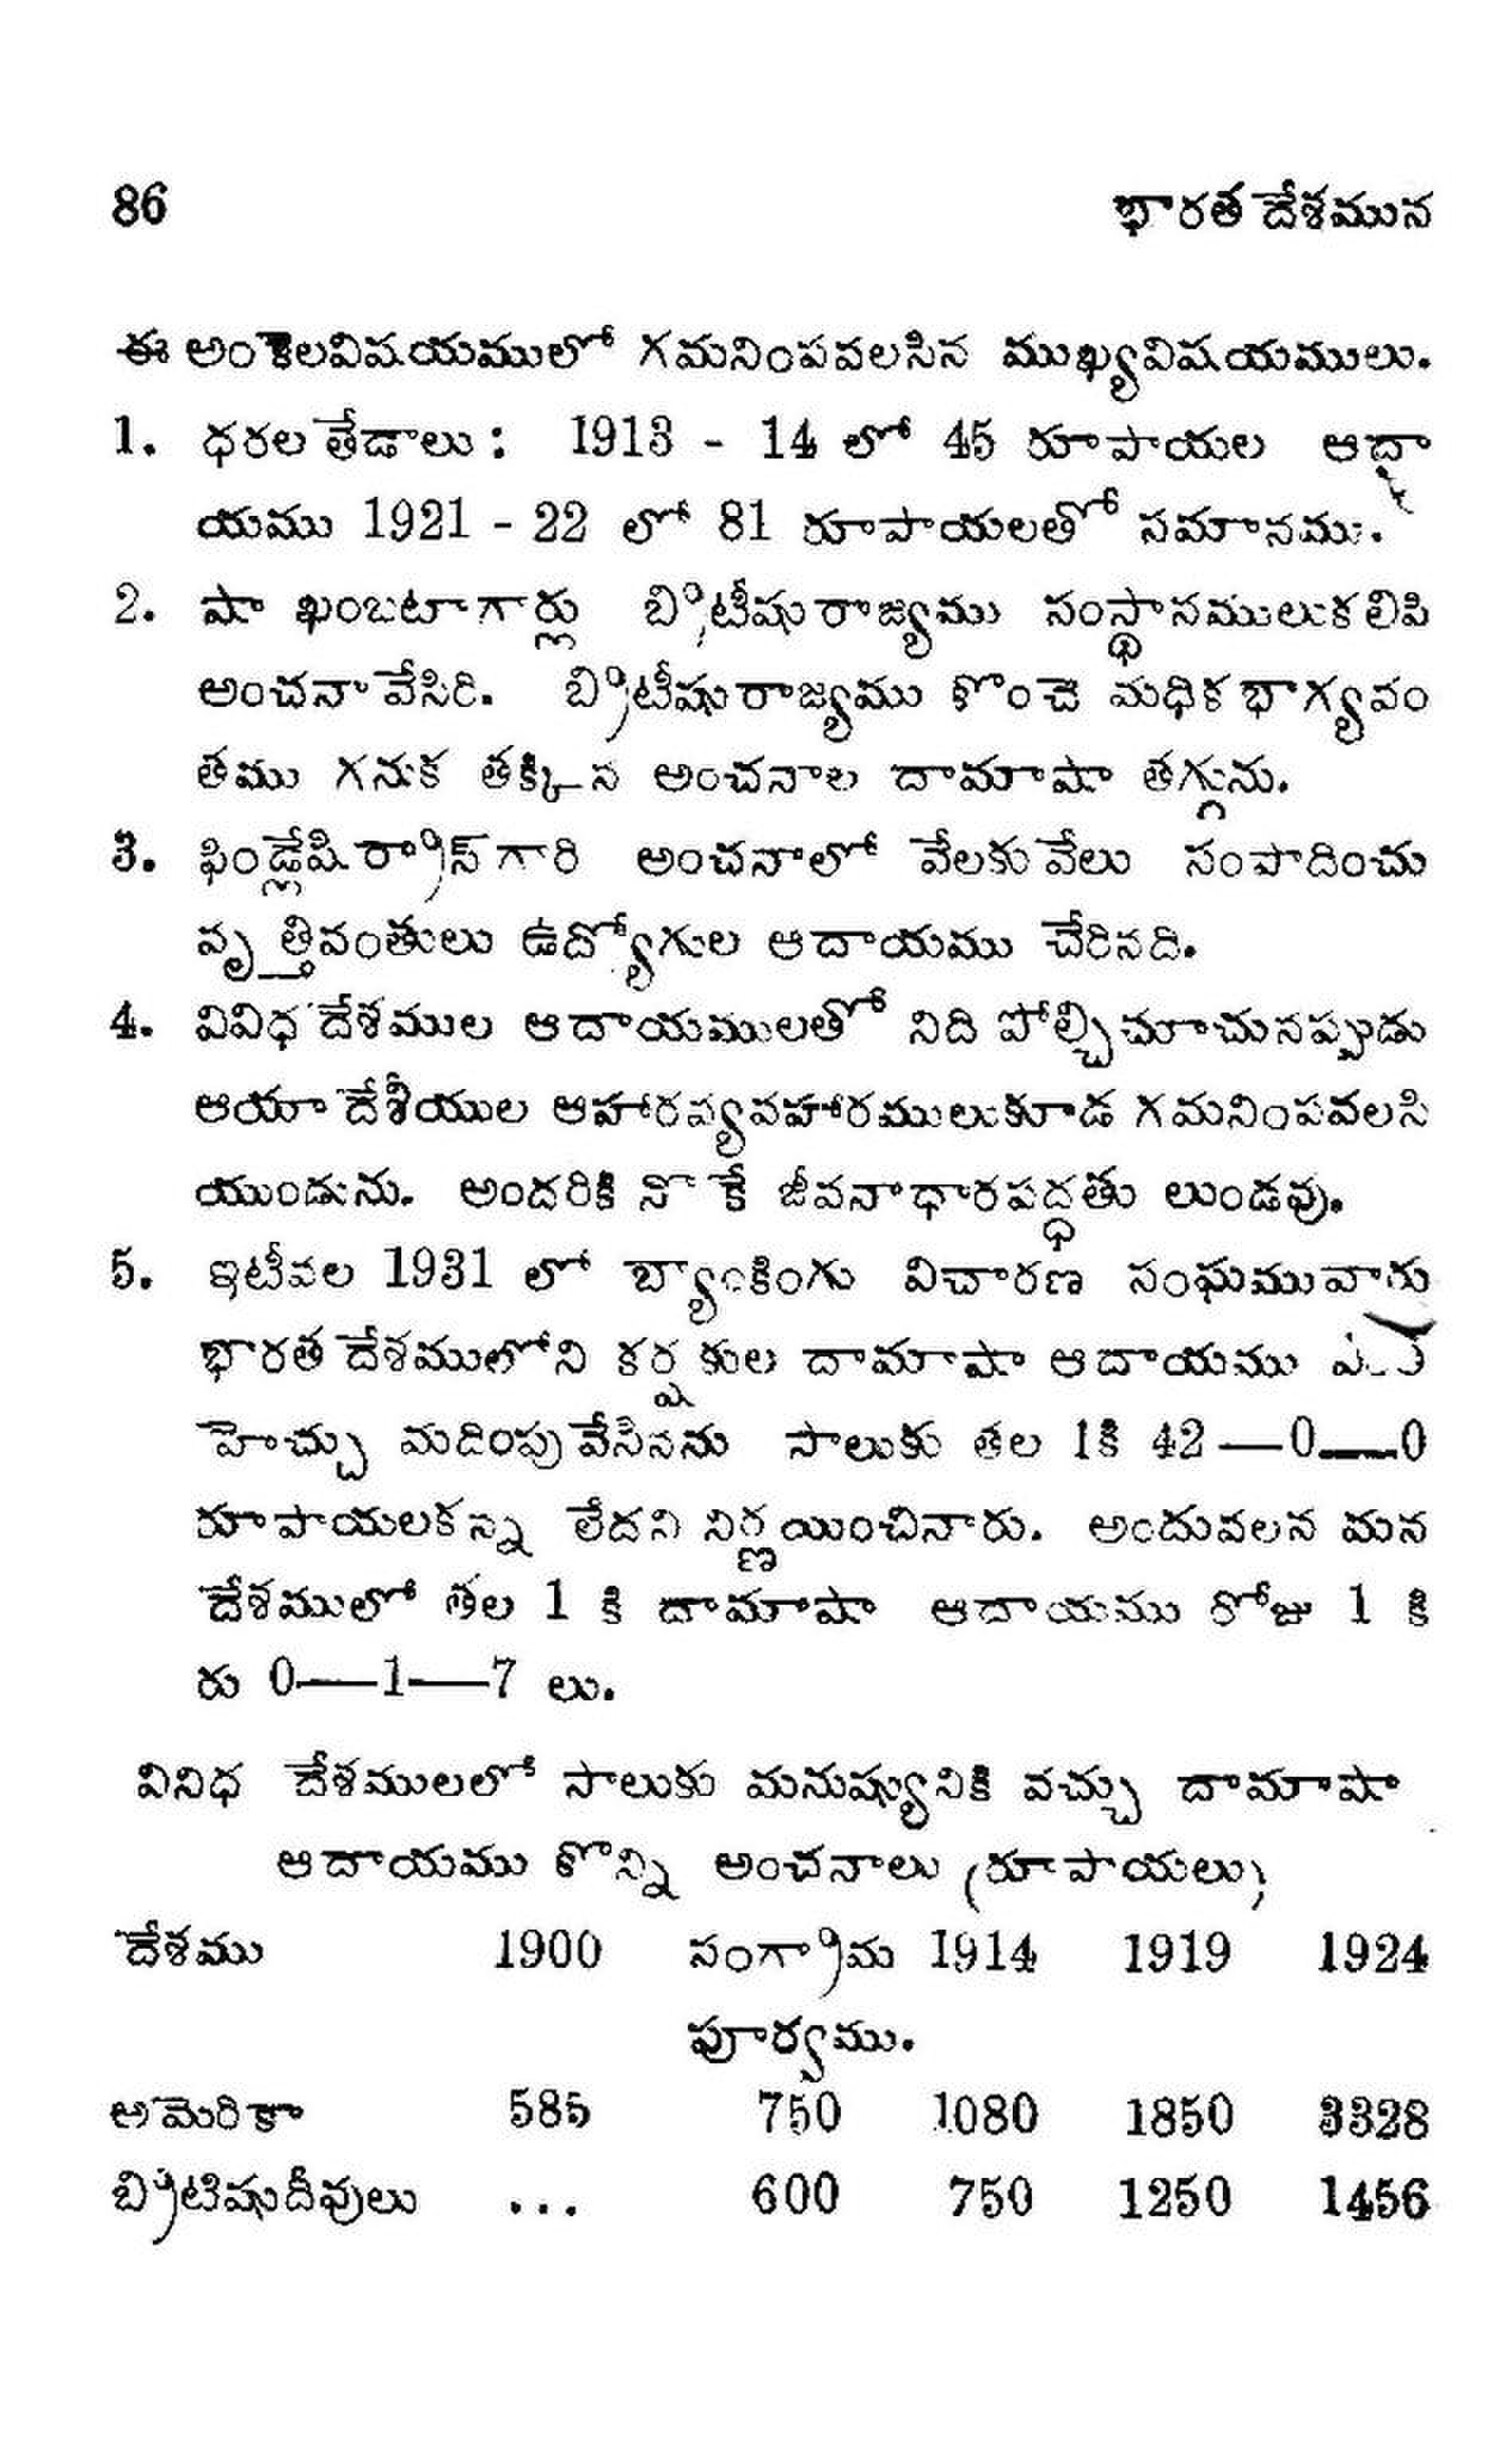ఈ అంకెలవిషయములో గమనింపవలసిన ముఖ్యవిషయములు. 

1. ధరలతేడాలు: 1913 - 14 లో 45 రూపాయల ఆదాయము 1921 - 22 లో 81 రూపాయలతో సమానము. 

2. షా ఖంబటాగార్లు బ్రిటీషురాజ్యము సంస్థానములుకలిపి అంచనావేసిరి. బ్రిటీషురాజ్యము కొంచె మధికభాగ్యవంతము గనుక తక్కిన అంచనాల దామాషా తగ్గును. 

3. ఫిండ్లేషిర్రాన్‌గారి అంచనాలో వేలకువేలు సంపాదించు వృత్తివంతులు ఉద్యోగుల ఆదాయము చేరినది. 

4. వివిధదేశముల ఆదాయములతో నిది పోల్చిచూచునప్పుడు ఆయాదేశీయుల ఆహారవ్యవహారములుకూడ గమనింపవలసియుండును. అందరికి నొకే జీవనాధారపద్దతు లుండవు. 

5. ఇటీవల 1931 లో బ్యాంకింగు విచారణ సంఘమువారు భారతదేశములోని కర్షకుల దామాషా ఆదాయము ఎంత హెచ్చు మదింపువేసినను సాలుకు తల 1కి 42 - 0 - 0 రూపాయలకన్న లేదని నిర్లయించినారు. అందువలన మన దేశములో తల 1 కి దామాషా ఆదాయము రోజు 1 కి రు 0 - 1 - 7 లు.

వినిధ దేశములలో సాలుకు మనుష్యునికి వచ్చు దామాషా ఆదాయము కొన్ని అంచనాలు (రూపాయలు) 

 దేశము 1900 సంగ్రామ పూర్వము 1914 1919 1924 అమెరికా 585 750 1080 1850 3328 బ్రిటీషుదీవులు - 600 750 1250 1456